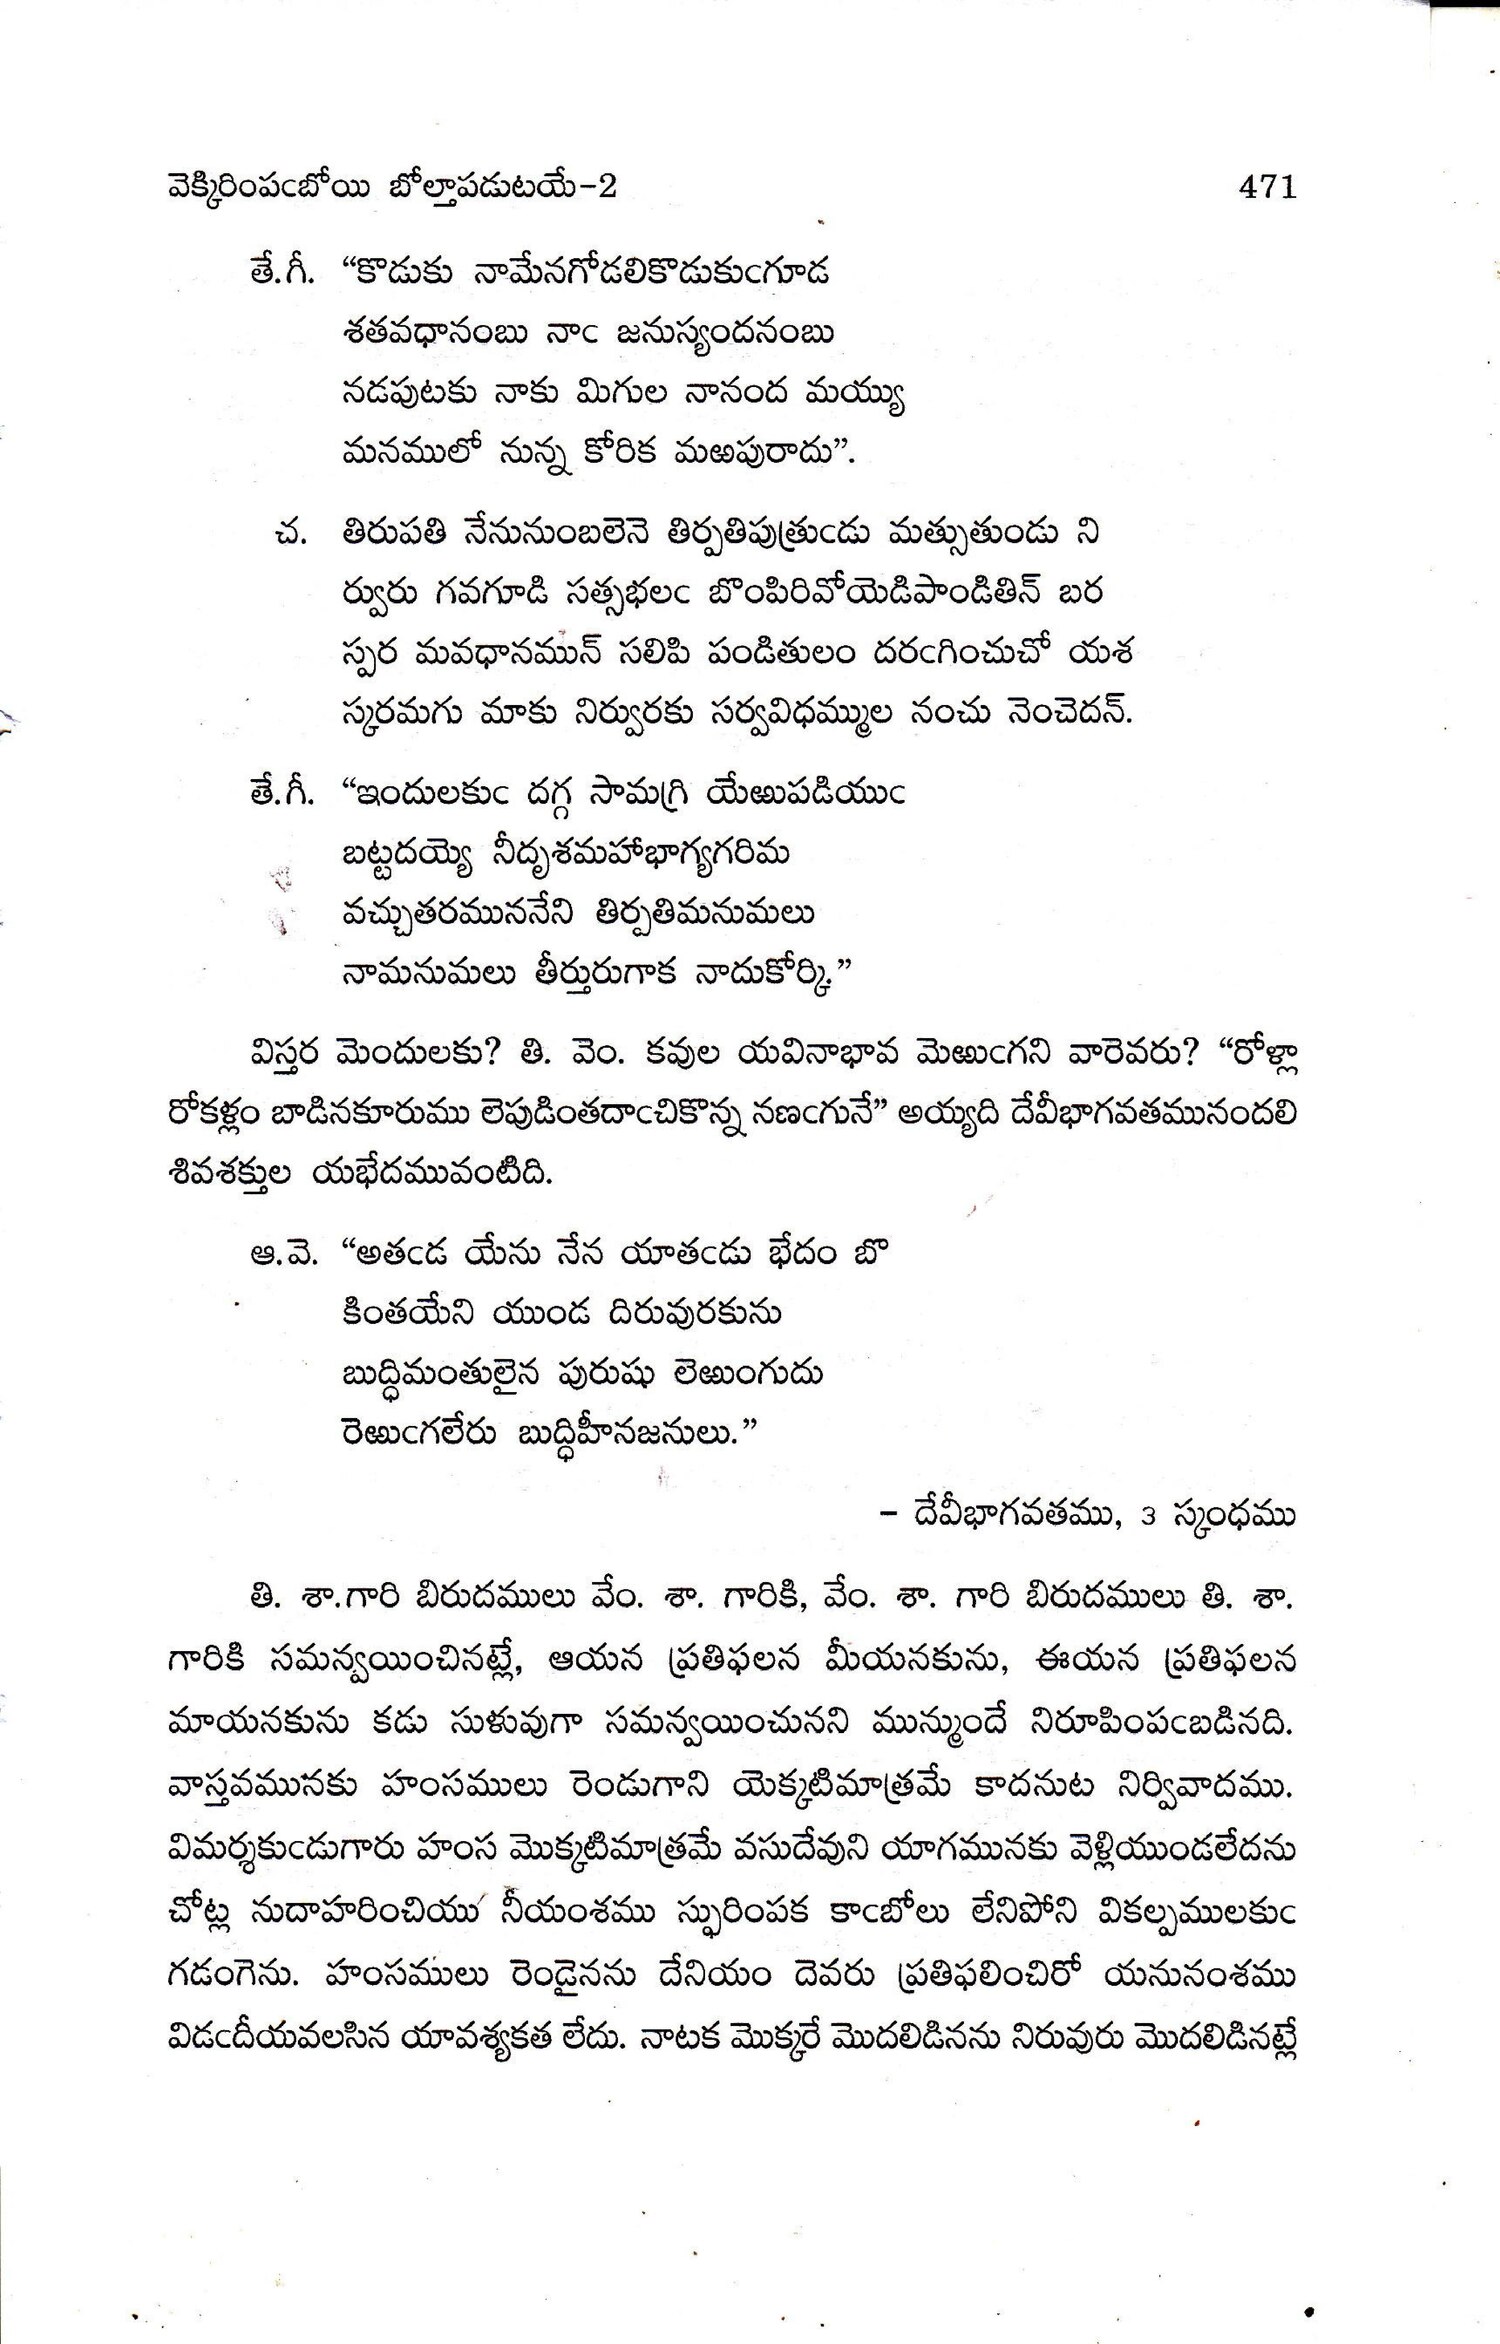తే.గీ. “కొడుకు నామేనగోడలికొడుకుcగూడ 
 శతవధానంబు నాఁ జనుస్యందనంబు 
 నడపుటకు నాకు మిగుల నానంద మయ్యు 
 మనములో నున్న కోరిక మఱపురాదు".

చ. తిరుపతి నేనునుంబలెనె తిర్పతిపుత్రుఁడు మత్సుతుండు ని 
 ర్వురు గవగూడి సత్సభలఁ బొంపిరివోయెడిపాండితిన్ బర 
 స్పర మవధానమున్ సలిపి పండితులం దరఁగించుచో యశ 
 స్కరమగు మాకు నిర్వురకు సర్వవిధమ్ముల నంచు నెంచెదన్.

తే.గీ. “ఇందులకుఁ దగ్గ సామగ్రి యేఱుపడియుఁఁ
 బట్టదయ్యె నీదృశమహాభాగ్యగరిమ 
 వచ్చుతరముననేని తిర్పతిమనుమలు 
 నామనుమలు తీర్తురుగాక నాదుకోర్కి."
విస్తర మెందులకు? తి. వెం. కవుల యవినాభావ మెఱుఁగని వారెవరు? “రోళ్లా రోకళ్లం బాడినకూరుము లెపుడింతదాఁచికొన్ననణఁగునే" అయ్యది దేవీభాగవతమునందలి శివశక్తుల యభేదమువంటిది.

ఆ.వె. “అతఁడ యేను నేన యాతఁడు భేదం బొ 
 కింతయేని యుండ దిరువురకును
 బుద్ధిమంతులైన పురుషు లెఱుంగుదు 
 రెఱుఁగలేరు బుద్ధిహీనజనులు."
 - దేవీభాగవతము, 3 స్కంధము
తి. శా.గారి బిరుదములు వేం. శా. గారికి, వేం. శా. గారి బిరుదములు తి. శా. గారికి సమన్వయించినట్లే, ఆయన ప్రతిఫలన మీయనకును, ఈయన ప్రతిఫలన మాయనకును కడు సుళువుగా సమన్వయించునని మున్ముందే నిరూపింపఁబడినది. వాస్తవమునకు హంసములు రెండుగాని యొక్కటిమాత్రమే కాదనుట నిర్వివాదము. విమర్శకుఁడుగారు హంస మొక్కటిమాత్రమే వసుదేవుని యాగమునకు వెళ్లియుండలేదను చోట్ల నుదాహరించియు నీయంశము స్ఫురింపక కాఁబోలు లేనిపోని వికల్పములకుఁ గడంగెను. హంసములు రెండైనను దేనియం దెవరు ప్రతిఫలించిరో యనునంశము విడఁదీయవలసిన యావశ్యకత లేదు. నాటక మొక్కరే మొదలిడినను నిరువురు మొదలిడినట్లే